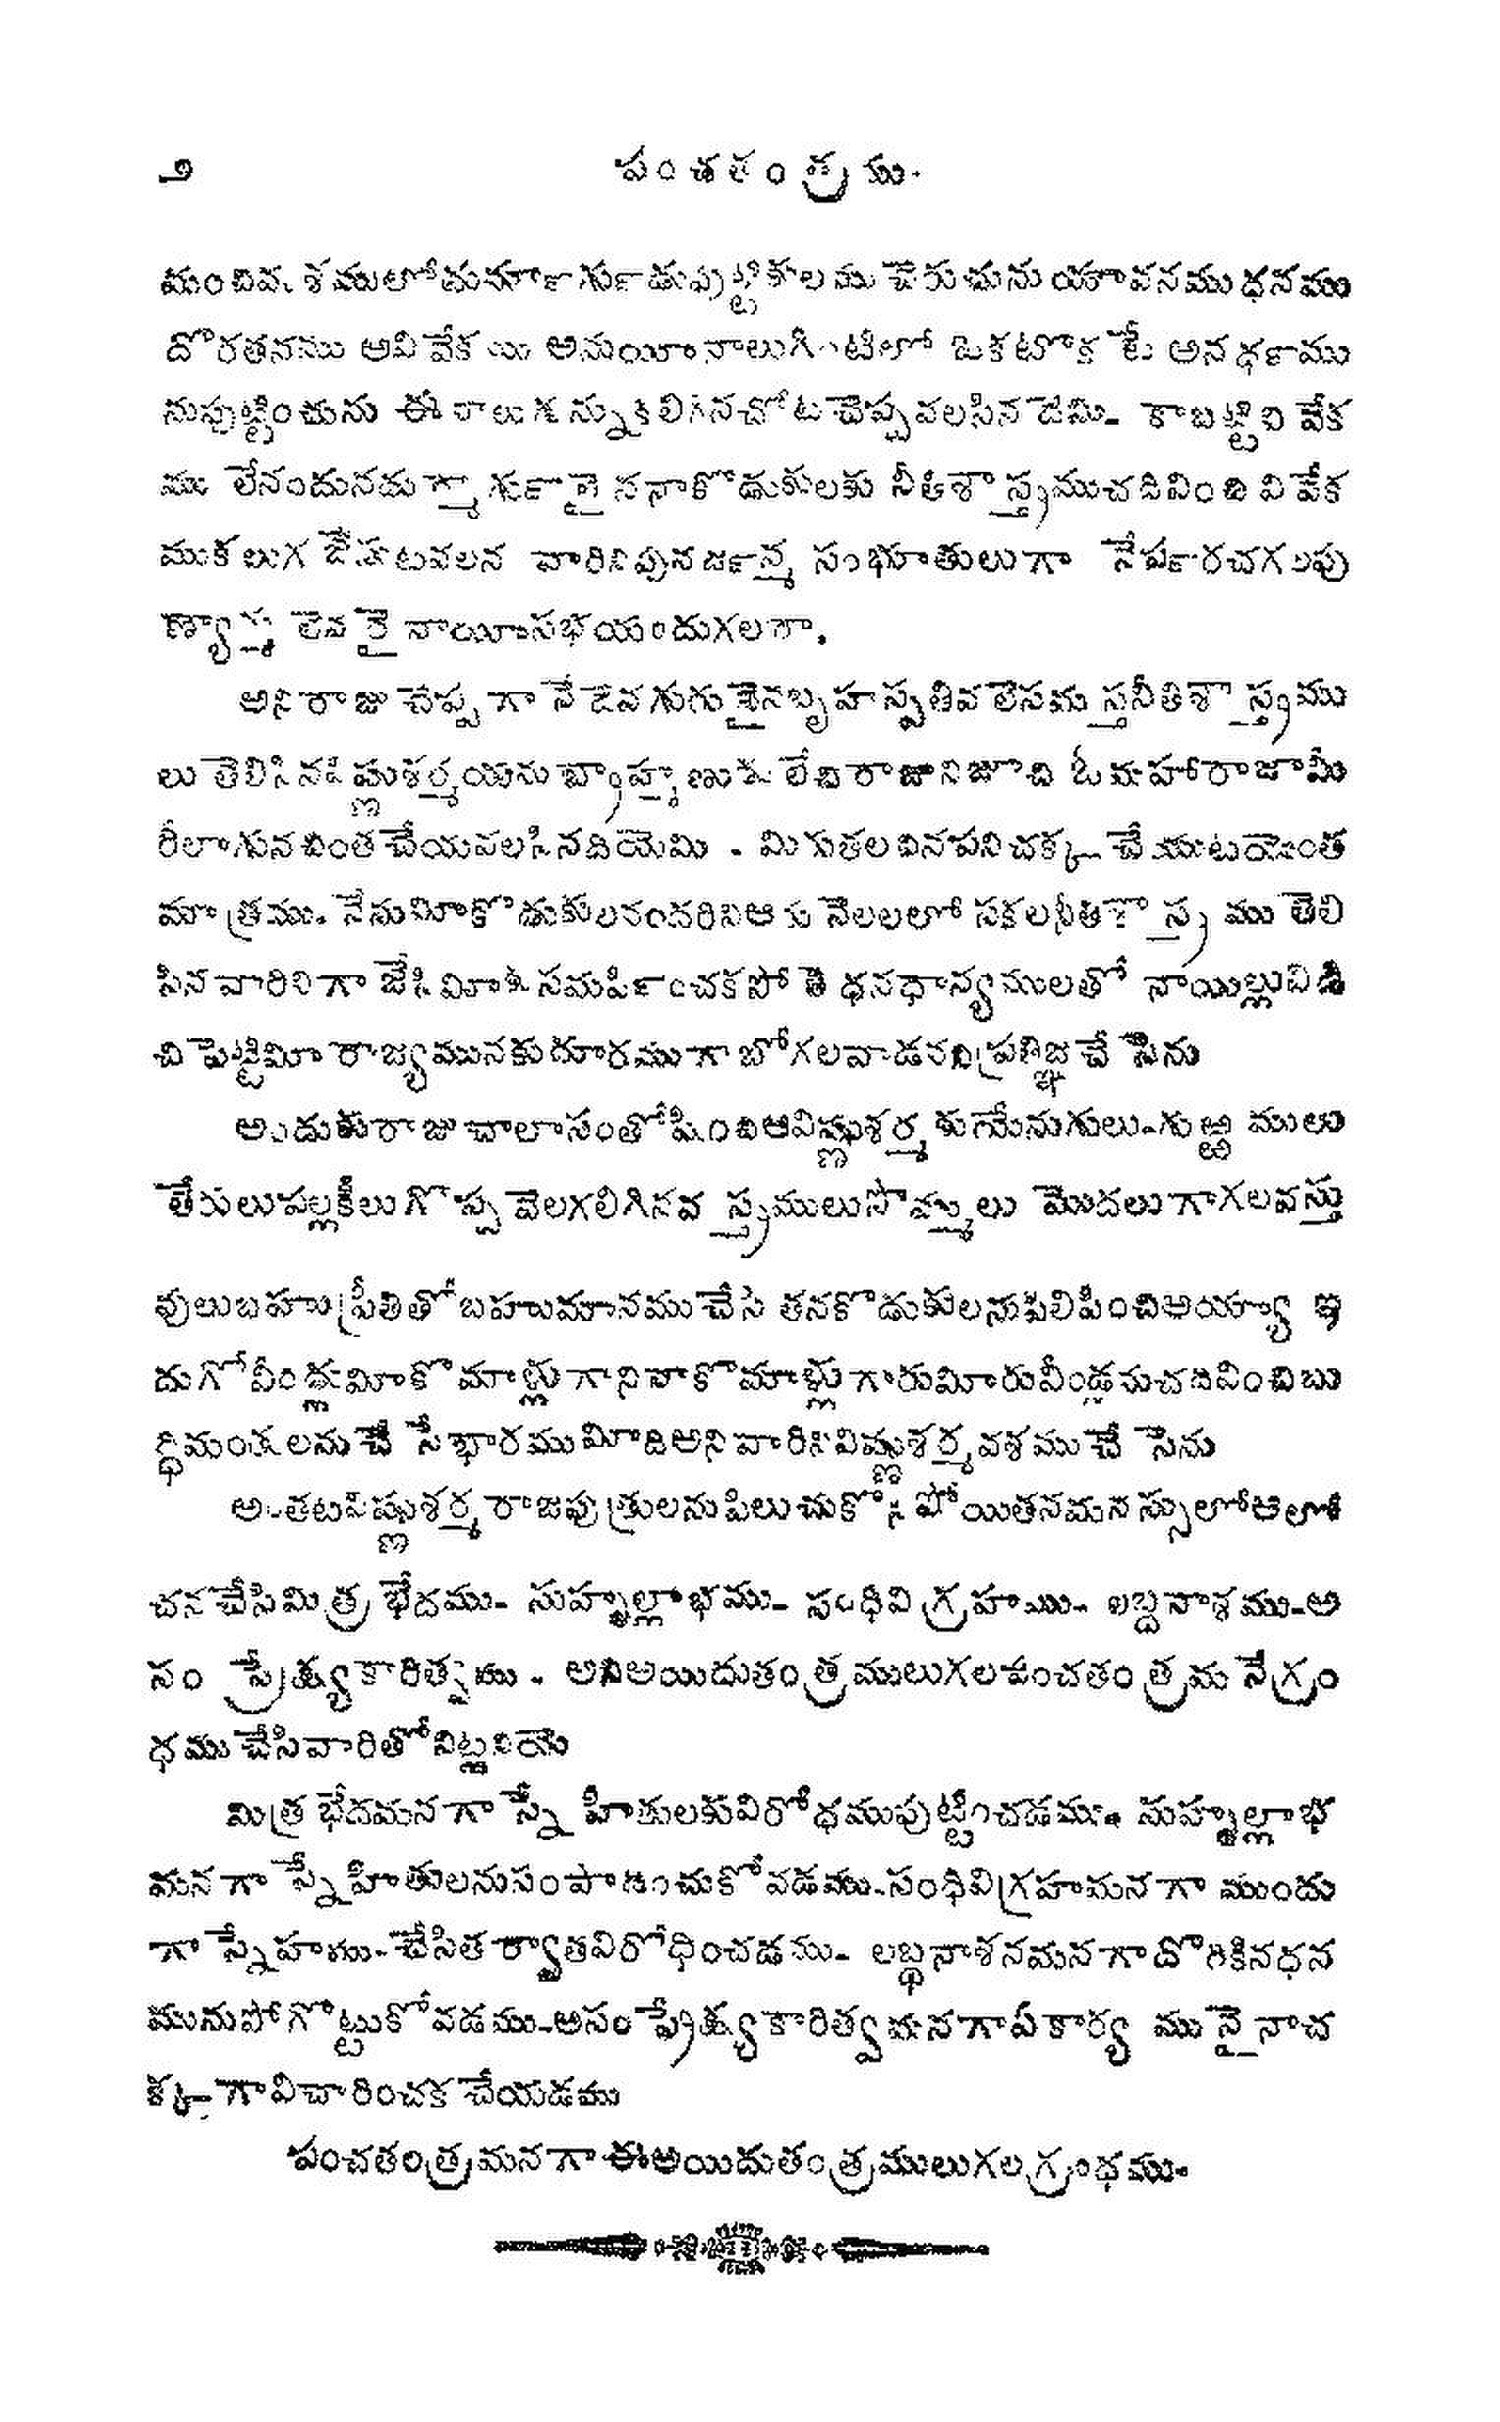మంచివంశములో దుర్మార్గుడు పుట్టి కులము చెరుచును. యావనము ధనము దొరతనము అవివేకము అను యీనాలుగింటిలో ఒకటొకటే అనర్ధమును పుట్టించును. ఈనాలుగున్ను కలిగినచోట చెప్పవలసినదేమి. కాబట్టి వివేకము లేనందున దుర్మార్గులైన నాకొడుకులకు నీతిశాస్త్రము చదివించి వివేకము కలుగజేసుటవలన వారిని పునర్జన్మసంభూతులుగా నేర్పరచగలపుణ్యాత్ము లెవరైనా యీసభయందు గలరా.

అని రాజు చెప్పగానే దేవగురువైనబృహస్పతివలె సమస్తనీతిశాస్త్రములు తెలిసిన విష్ణుశర్మయను బ్రాహ్మణుడు లేచి రాజుని జూచి ఓమహారాజా మీ రీలాగున చింత చేయవలసినది యేమి. మీరు తలచినపని చక్కచేయుట యెంతమాత్రము. నేను విూకొడుకులనందరిని ఆరునెలలలో సకలనీతిశాస్త్రము తెలిసినవారినిగా జేసి మీకు సమర్పించకపోతే ధనధాన్యములతో నాయిల్లు విడిచిపెట్టి మీరాజ్యమునకు దూరముగా బోగలవాడనని ప్రతిజ్ఞ చేసెను.

అందుకు రాజు చాలా సంతోషించి ఆవిష్ణుశర్మకు యేనుగులు గుఱ్ఱములు తేరులు పల్లకీలు గొప్పవెలగలిగినవస్త్రములు సొమ్ములు మొదలుగాగలవస్తువులు బహుప్రీతితో బహుమానము చేసి తనకొడుకులను పిలిపించి అయ్యా ఇదుగో వీండ్లు మీకొమాళ్లు గాని నాకొమాళ్లు గారు మీరు వీండ్లను చదివించి బుద్ధిమంతులను చేసేభారము మీది అని వారిని విష్ణుశర్మవశము చేసెను.

అంతట విష్ణుశర్మ రాజపుత్రులను పిలుచుకొని పోయి తనమనస్సులో ఆలోచన చేసి మిత్రభేదము, సుహృల్లాభము, సంధివిగ్రహము, లబ్దనాశము, అసంప్రేక్ష్యకారిత్వము అని అయిదుతంత్రములు గల పంచతంత్ర మనేగ్రంథము చేసి వారితో నిట్లనియె.

మిత్రభేద మనగా స్నేహితులకు విరోధము పుట్టించడము. సుహ్మల్లాభ మనగా స్నేహితులను సంపాదించుకోవడము. సంధివిగ్రహ మనగా ముందుగా స్నేహము చేసి తర్వాత నిరోధించడము. లబ్ధనాశన మనగా దొరికినధనమును పోగొట్టుకోవడము. అసంప్రేక్ష్యకారిత్వ మనగా ఏకార్యమునైనా చక్కగా విచారించక చేయడము.

పంచతంత్ర మనగా ఈఅయిదుతంత్రములు గల గ్రంథము.